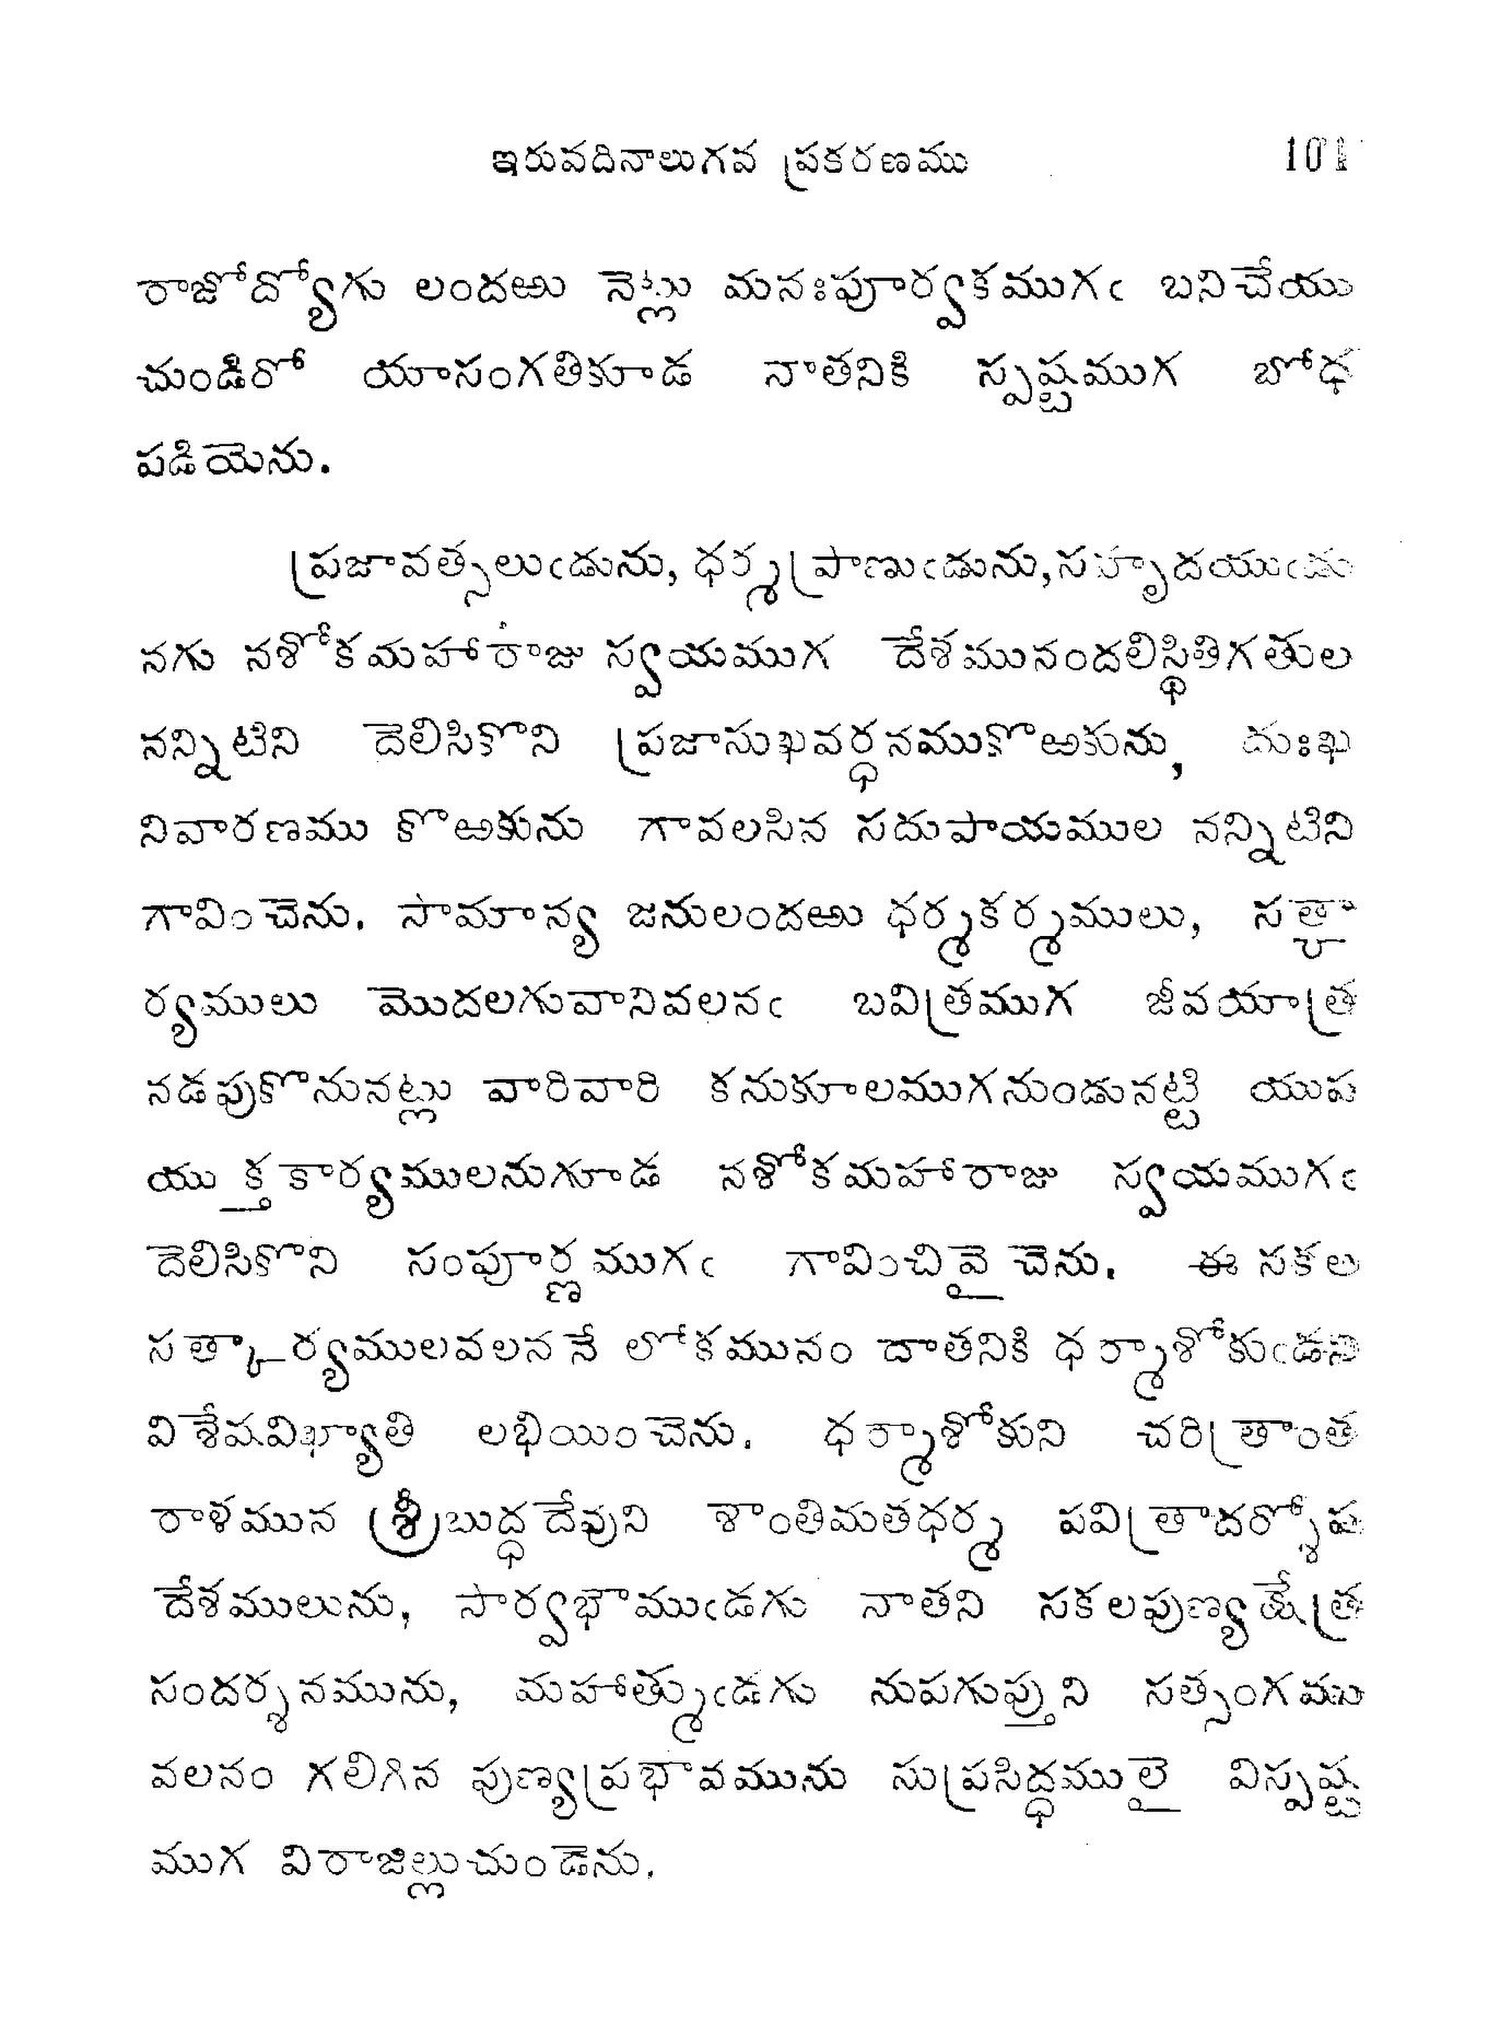రాజోద్యోగు లందఱు నెట్లు మనఃపూర్వకముగఁ బనిచేయుచుండిరో యాసంగతికూడ నాతనికి స్పష్టముగ బోధ పడియెను.

ప్రజావత్సలుఁడును, ధర్మప్రాణుఁడును,సహృదయుఁడునగు నశోక మహా రాజు స్వయముగ దేశమునందలి స్థితిగతుల నన్నిటిని దెలిసికొని ప్రజాసుఖవర్ధ నముకొఱకును, దుఃఖ
నివారణము కొఱకును గావలసిన సదుపాయముల నన్నిటిని గావిం చెను. సామాన్య జనులందఱు ధర్మకర్మములు, సత్కార్యములు మొదలగువానివలనఁ బవిత్రముగ జీవయాత్ర
నడపుకొనునట్లు వారివారి కనుకూలముగనుండునట్టి యుపయుక్త కార్యములనుగూడ నశోక మహా రాజు స్వయముగఁ దెలిసికొని సంపూర్ణ ముగఁ గావించి వై చెను.ఈ సకల సత్కార్యములవలన నే లోకమునం దాతనికి ధర్మాశోకుఁ డని విశేష విఖ్యాతి లభియించెను. ధర్మశోకుని చరిత్రాంత
రాళమున శ్రీ బుద్ధ దేవుని శాంతిమత ధర్మ పవిత్రాదర్మోను దేశములును, సార్వభౌముఁడగు నాతని సకల పుణ్య క్షేత్ర సందర్శనమును, మహాత్ముఁడగు నుపగుప్తుని సత్సంగమువలనం గలిగిన పుణ్య ప్రభావమును సుప్రసిద్ధము లై విస్పష్టముగ విరాజిల్లు
చుండెను.